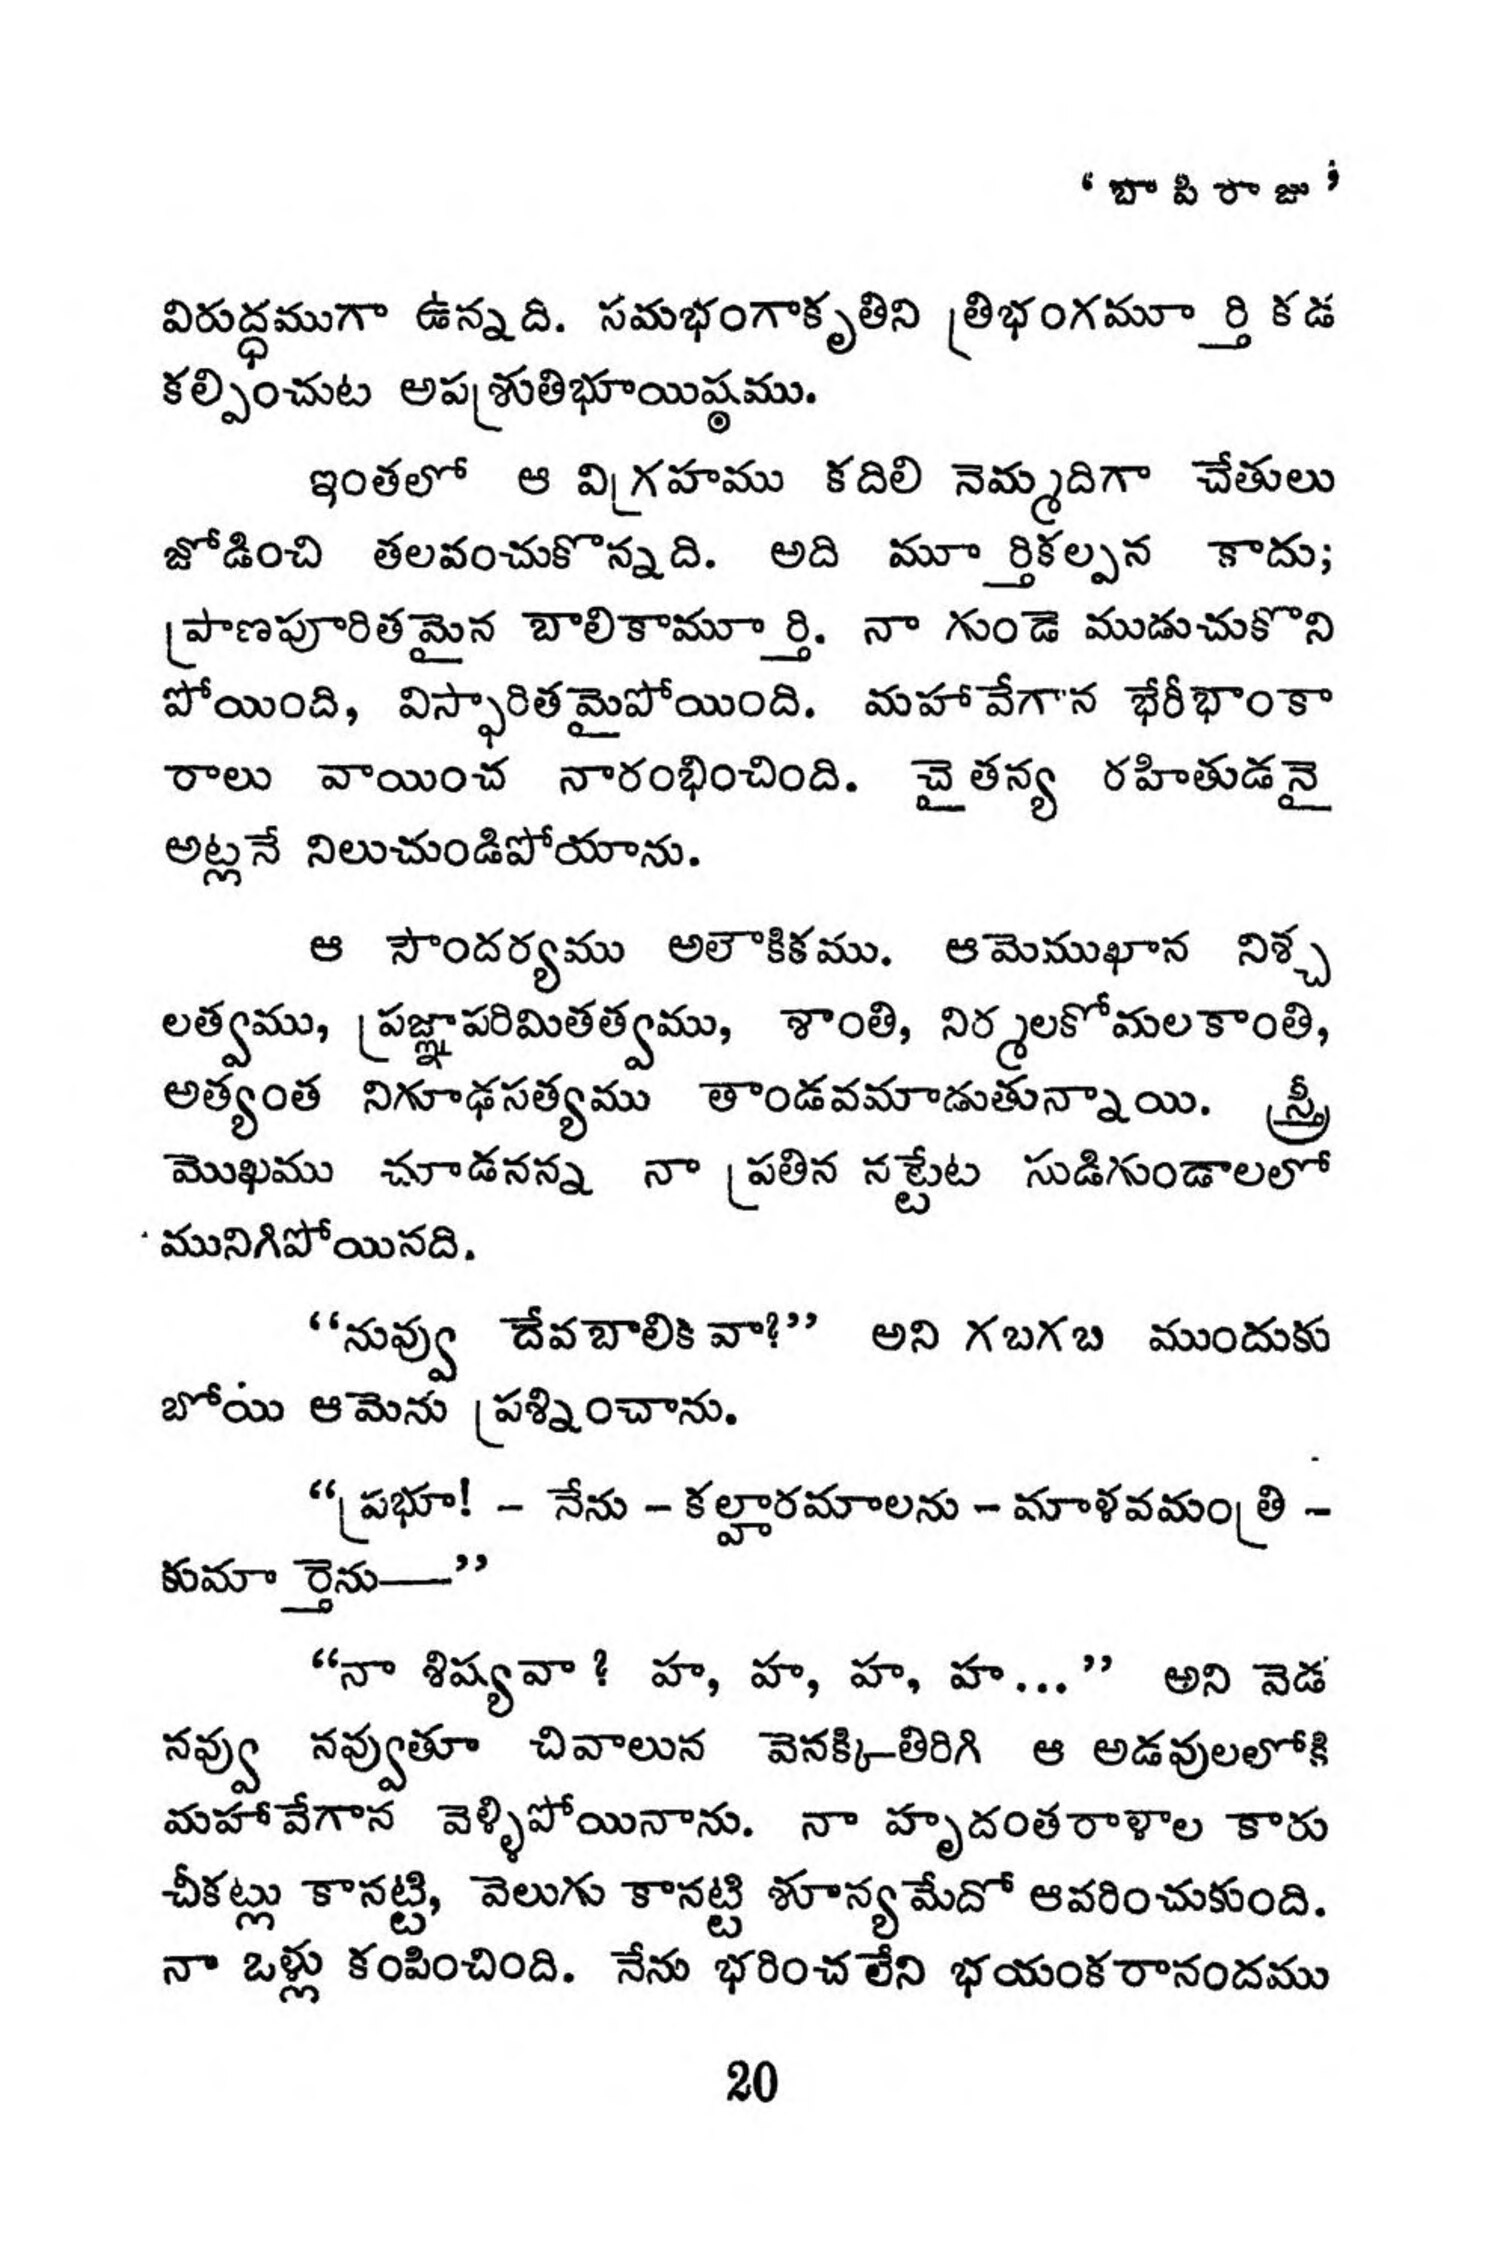విరుద్ధముగా ఉన్నది. సమభంగాకృతిని త్రిభంగమూర్తి కడ కల్పించుట అపశ్రుతిభూయిష్ఠము.

ఇంతలో ఆ విగ్రహము కదిలి నెమ్మదిగా చేతులు జోడించి తలవంచుకొన్నది. అది మూర్తికల్పన కాదు; ప్రాణపూరితమైన బాలికామూర్తి. నా గుండె ముడుచుకొని పోయింది, విస్ఫారితమైపోయింది. మహావేగాన భేరీభాంకారాలు వాయించ నారంభించింది. చైతన్య రహితుడనై అట్లనే నిలుచుండిపోయాను.

ఆ సౌందర్యము అలౌకికము. ఆమెముఖాన నిశ్చలత్వము, ప్రజ్ఞాపరిమితత్వము, శాంతి, నిర్మలకోమలకాంతి, అత్యంత నిగూఢసత్యము తాండవమాడుతున్నాయి. స్త్రీ మొఖము చూడనన్న నా ప్రతిన నట్టేట సుడిగుండాలలో మునిగిపోయినది.

“నువ్వు దేవబాలికవా?” అని గబగబ ముందుకు బోయి ఆమెను ప్రశ్నించాను.

“ప్రభూ! - నేను - కల్హారమాలను - మాళవమంత్రి - కుమార్తెను -”

“నా శిష్యవా ? హ, హ, హ, హ...” అని వెడనవ్వు నవ్వుతూ చివాలున వెనక్కితిరిగి ఆ అడవులలోకి మహావేగాన వెళ్ళిపోయినాను. నా హృదంతరాళాల కారు చీకట్లు కానట్టి, వెలుగు కానట్టి శూన్యమేదో ఆవరించుకుంది. నా ఒళ్లు కంపించింది. నేను భరించలేని భయంకరానందము